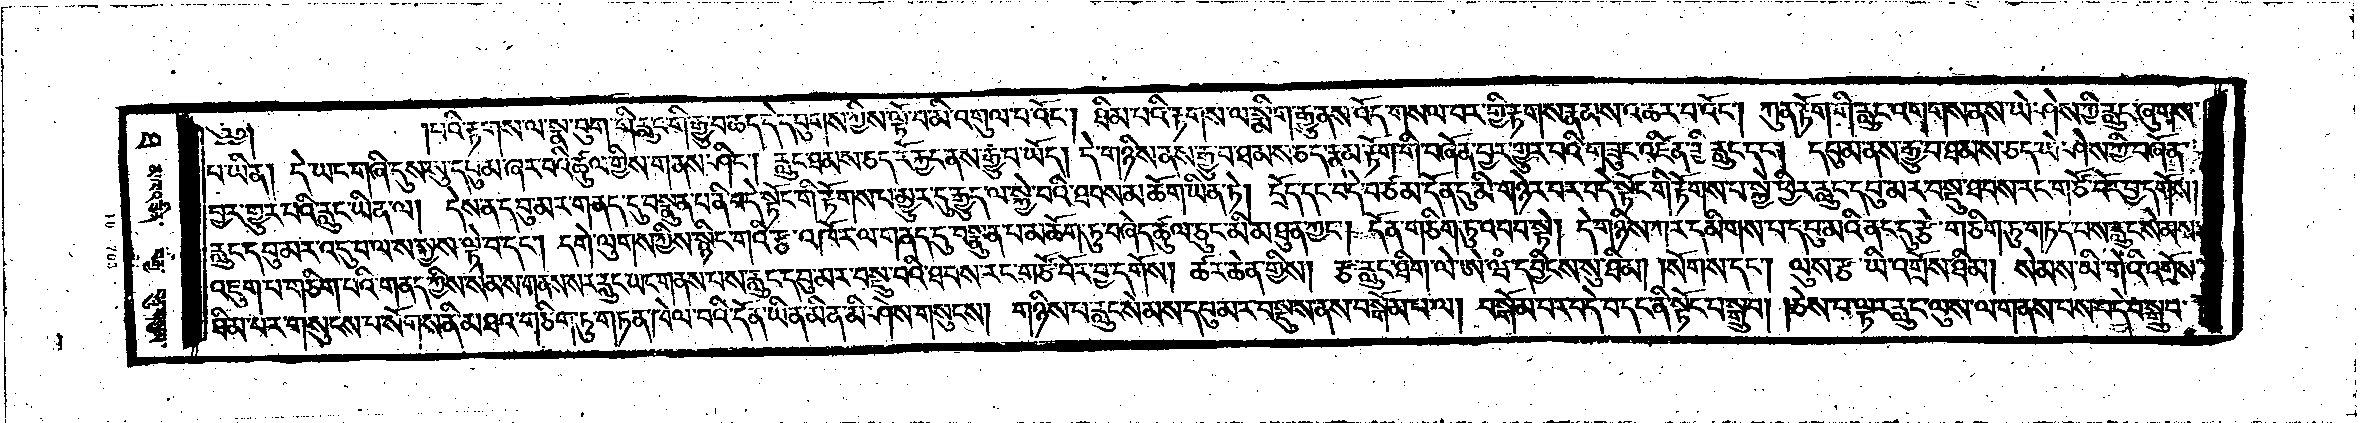༄༅། །པའི་རྟགས་ལ་སྣ་བུག་གི་རླུང་གི་རྒྱུ་བ་ཆད་དེ་དབུགས་ཀྱིས་ལྟོ་བ་མི་འགུལ་བ་འོང་། ཐིམ་པའི་རྟགས་ལ་སྨིག་རྒྱུ་ནས་འོད་གསལ་བར་གྱི་རྟགས་རྣམས་འཆར་བ་འོང་། ཀུན་རྟོག་གི་རླུང་འགགས་ནས་ཡེ་ཤེས་ཀྱི་རླུང་ཞུགས་
པ་ཡིན། དེ་ཡང་གཞི་དུས་སུ་དབུ་མ་ཞར་བའི་ཚུལ་གྱིས་གནས་ཤིང་། རླུང་ཐམས་ཅད་རོ་རྐྱང་ནས་རྒྱུ་བ་ཡོད། དེ་གཉིས་ནས་རྒྱུ་བ་ཐམས་ཅད་རྣམ་རྟོག་གི་བཞོན་བྱར་གྱུར་པའི་གཟུང་འཛིན་གྱི་རླུང་དང་། དབུ་མ་ནས་རྒྱུ་བ་ཐམས་ཅད་ཡེ་ཤེས་ཀྱི་བཞོན་
བྱར་གྱུར་པའི་རླུང་ཡིན་ལ། དེས་ན་དབུ་མར་གནད་དུ་བསྣུན་པ་ནི་བདེ་སྟོང་གི་རྟོགས་པ་མྱུར་དུ་རྒྱུད་ལ་སྐྱེ་བའི་ཐབས་མཆོག་ཡིན་ཏེ། དྲོད་དང་བདེ་བ་ཙམ་དོན་དུ་མི་གཉེར་བར་བདེ་སྟོང་གི་རྟོགས་པ་སྐྱེ་ཕྱིར་རླུང་དབུ་མར་བསྡུ་ཐབས་རང་གཙོ་བོར་བྱ་དགོས།
རླུང་དབུ་མར་འདུ་བ་ལ་ས་སྐྱས་ལྟེ་བ་དང་། དགེ་ལུགས་ཀྱིས་སྙིང་གའི་རྩ་འཁོར་ལ་གནད་དུ་བསྣུན་པ་མཆོག་ཏུ་བཞེད་ཚུལ་ཅུང་མི་མཐུན་ཀྱང་། དོན་གཅིག་ཏུ་འབབ་སྟེ། དེ་གཉིས་ཀར་དམིགས་པ་དབུ་མའི་ནང་དུ་རྩེ་གཅིག་ཏུ་གཏད་པས་རླུང་སེམས་
འཇུག་པ་གཅིག་པའི་གནད་ཀྱིས་སེམས་གནས་སར་རླུང་ཡང་གནས་པས་རླུང་དབུ་མར་བསྡུ་བའི་ཐབས་རང་གཙོ་བོར་བྱ་དགོས། ཚར་ཆེན་གྱིས། རྩ་རླུང་ཐིག་ལེ་ཨེ་ཝཾ་དབྱིངས་སུ་ཐིམ། །སོགས་དང་། ལུས་རྩ་ཡི་འགྲོས་ཐིམ། སེམས་ཡི་གེའི་འགྲོས་
ཐིམ་པར་གསུངས་པ་སོགས་ནི་མཐའ་གཅིག་ཏུ་གཏན་ཁེལ་བའི་དོན་ཡིན་མིན་མི་ཤེས་གསུངས། གཉིས་པ་རླུང་སེམས་དབུ་མར་བསྡུས་ནས་བསྒོམ་པ་ལ། བསྒོམ་པར་བདེ་བ་དང་ནི་སྟོང་པ་སྒྲུབ། །ཅེས་པ་ལྟར་རླུང་ལུས་ལ་གནས་པས་བདེ་བ་སྒྲུབ་